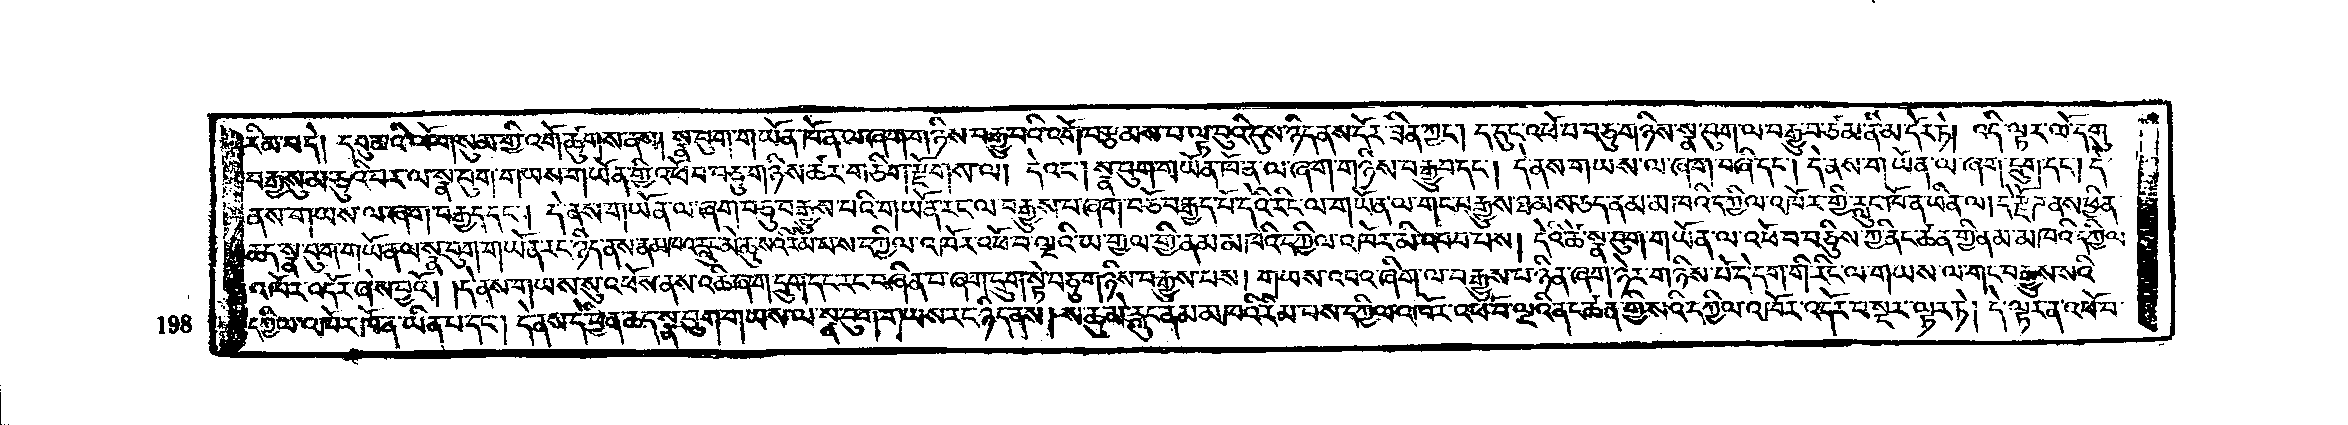རིམ་པ་དེ། དབུ་མའི་ལོ་གསུམ་གྱི་འགོ་ཚུགས་ནས། སྣ་བུག་གཡོན་ཁོ་ན་ལ་ཞག་གཉིས་བརྒྱུ་བའི་འགོ་བརྩམས་པ་ལྟ་བུའི་དུས་ཉིད་ནས་དོར་ཟིན་ཀྱང་། ད་དུང་འཕོ་བ་བཅུ་གཉིས་སྣ་བུག་ལ་བརྒྱུ་བ་ཙམ་ནི་མ་དོར་ཏེ། འདི་ལྟར་ལོ་དགུ་
བརྒྱ་སུམ་ཅུའི་བར་ལ་སྣ་བུག་གཡས་གཡོན་གྱི་འཕོ་བ་བཅུ་གཉིས་ཚར་གཅིག་རྫོགས་ལ། དེའང་། སྣ་བུག་གཡོན་ཁོ་ན་ལ་ཞག་གཉིས་བརྒྱུ་བ་དང་། དེ་ནས་གཡས་ལ་ཞག་བཞི་དང་། དེ་ནས་གཡོན་ལ་ཞག་དྲུག་དང་། དེ་
ནས་གཡས་ལ་ཞག་བརྒྱད་དང་། དེ་ནས་གཡོན་ལ་ཞག་བཅུ་བརྒྱུས་པའི་གཡོན་རང་ལ་བརྒྱུས་པ་ཞག་བཅོ་བརྒྱད་པོ་དེའི་རིང་ལ་གཡོན་ལ་གང་བརྒྱུས་ཐམས་ཅད་ནམ་མཁའི་དཀྱིལ་འཁོར་གྱི་རླུང་ཁོ་ན་ཡིན་ལ། དེ་རྫོགས་ནས་ཕྱིན་
ཆད་སྣ་བུག་གཡོན་ལ་སྣ་བུག་གཡོན་རང་ཉིད་ནས་ནམ་མཁའ་རླུང་མེ་ཆུ་སའི་རིམ་པས་དཀྱིལ་འཁོར་འཕོ་བ་ལྔའི་ཡ་གྱལ་གྱི་ནམ་མཁའི་དཀྱིལ་འཁོར་མི་འབབ་པས། དེའི་ཚེ་སྣ་བུག་གཡོན་ལ་འཕོ་བ་བཅུ་གཉིས་ཀྱི་ནང་ཚན་གྱི་ནམ་མཁའི་དཀྱིལ་
འཁོར་འདོར་ཞེས་བྱའོ། །དེ་ནས་གཡས་སུ་འཕོས་ནས་འཆི་ཞག་དྲུག་དང་རང་བཞིན་པ་ཞག་དྲུག་སྟེ་བཅུ་གཉིས་བརྒྱུས་པས། གཡས་འབའ་ཞིག་ལ་བརྒྱུས་པ་ཉིན་ཞག་ཉེར་གཉིས་པོ་དེ་དག་གི་རིང་ལ་གཡས་ལ་གང་བརྒྱུས་སའི་
དཀྱིལ་འཁོར་ཁོ་ན་ཡིན་པ་དང་། དེ་ནས་དེ་ཕྱིན་ཆད་སྣ་བུག་གཡས་ལ་སྣ་བུག་གཡས་རང་ཉིད་ནས། ས་ཆུ་མེ་རླུང་ནམ་མཁའི་རིམ་པས་དཀྱིལ་འཁོར་འཕོ་བ་ལྔའི་ནང་ཚན་གྱི་སའི་དཀྱིལ་འཁོར་འདོར་བ་སྔར་ལྟར་ཏེ། དེ་ལྟར་ན་འཕོ་བ་